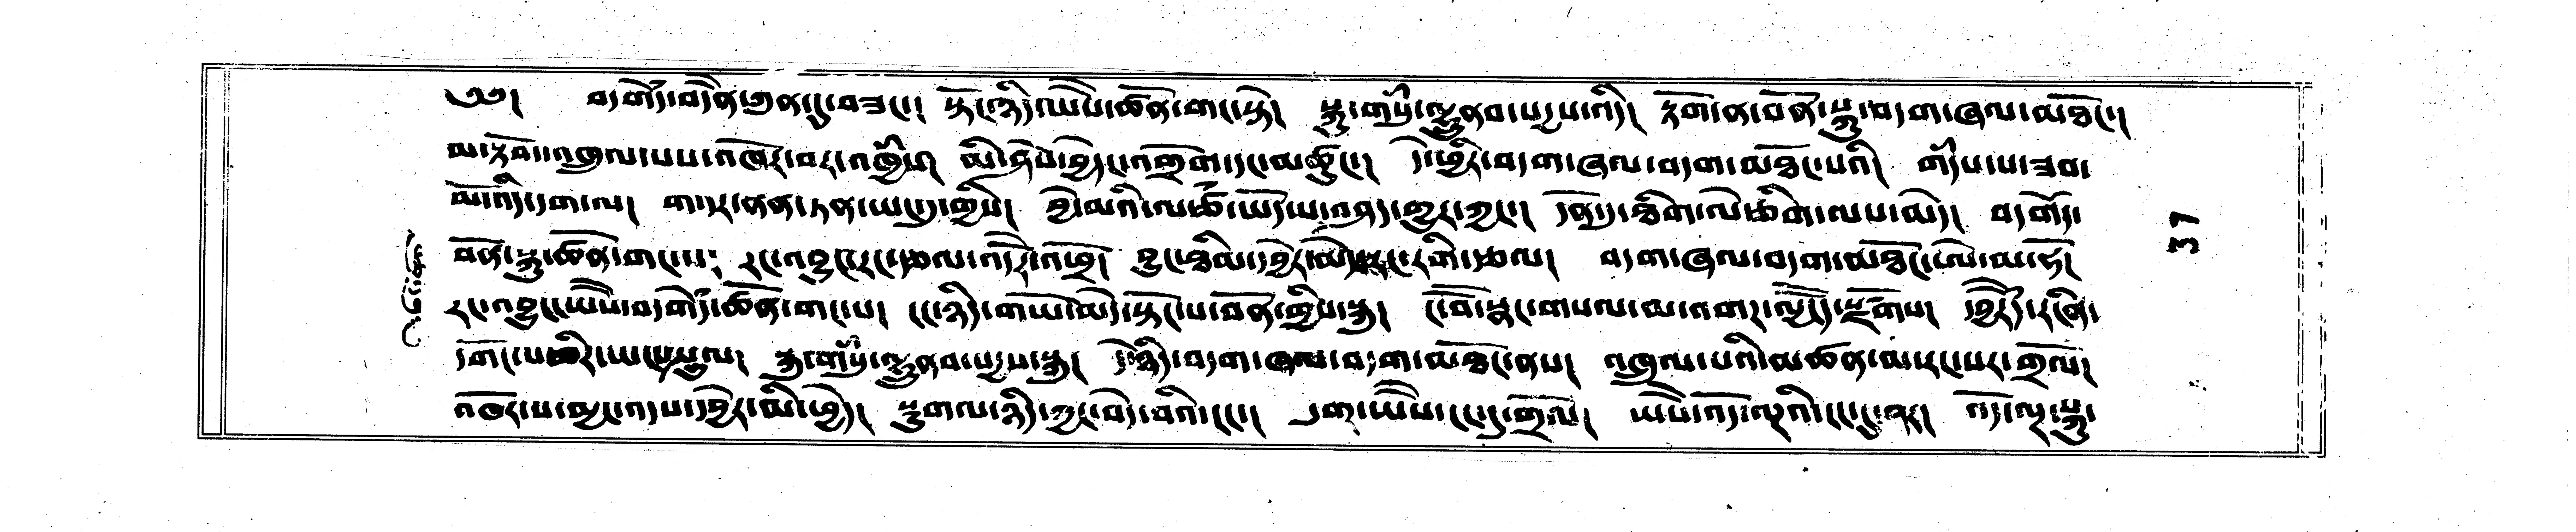བདག་མེད་བདེ་ཆེན་ཀུན་ཏུ་བཟང་། སྟོང་ཉིད་ཡེ་ཤེས་ཚོན་གང་སྟེ། སྐུ་གསུམ་ལྷུན་གྲུབ་སངས་རྒྱས་འདི། རྟོགས་ན་བོན་སྐུ་བདག་ཞལ་མཐོང་། 
མ་རྟོགས་འཁྲུལ་པས་འཁོར་བར་འཁྱམས། མི་ཤེས་བྱེད་དང་འགྲོགས་དང་མཚུངས། དེ་ཕྱིར་བདག་ཞལ་བདག་མཐོང་བའི། གདམས་པ་ཟབ་
མོ་འདི་དག་ལ། ག་དར་ནན་ཏན་ཡང་དུ་གྱིས། བྱེ་མའི་ལ་ཙམ་ཡོད་པ་བཤད་གྱུར་ཀྱང་། དོན་དུ་ཐིག་ལེ་གཅིག་ལས་མེད། བདག་མེད་
བོན་སྐུ་ཚོན་གང་བ། རང་འབྱུང་རང་རྩལ་འོད་ཟེར་འཕྲོ། བྱུང་ཐིམ་དབྱེར་མེད་རང་རིག་རྩལ། བདག་ཞལ་བདག་མཐོིང་ཨེ་མ་ཧོ། 
རང་བྱུང་ཡེ་ཤེས་བདག་མེད་ཚོན་གང་པ། ངང་ཉིད་གཡོ་མེད་སྟོང་པ་བོན་གྱི་སྐུ། ངོ་བོ་སྣང་གསལ་མ་འགགས་ལོངས་སྤྱོད་རྫོགས། དབྱེར་མེད་རང་བཞིན་
དགོངས་པ་ཅིར་ཡང་སྤྲུལ། སྐུ་གསུམ་ལྷུན་གྲུབ་སངས་རྒྱས་སྐུ། དེ་ཉིད་བདག་ཞལ་བདག་མཐོང་ནས། འཁྲུལ་པའི་མཚན་མ་རང་སར་གྲོལ། 
འཁོར་བ་མྱང་འདས་དབྱེར་མི་ཕྱེད། སྡུག་བསྔལ་ཉིད་ཀྱང་བདེ་བའི་ངང་། དུག་ལྔ་ཡེ་ཤེས་ངང་དུ་གྲོལ། ཡེ་ཤེས་འོད་ལྔའི་ནང་དུ་ཤར། འོད་ལྔ་སྐུ་